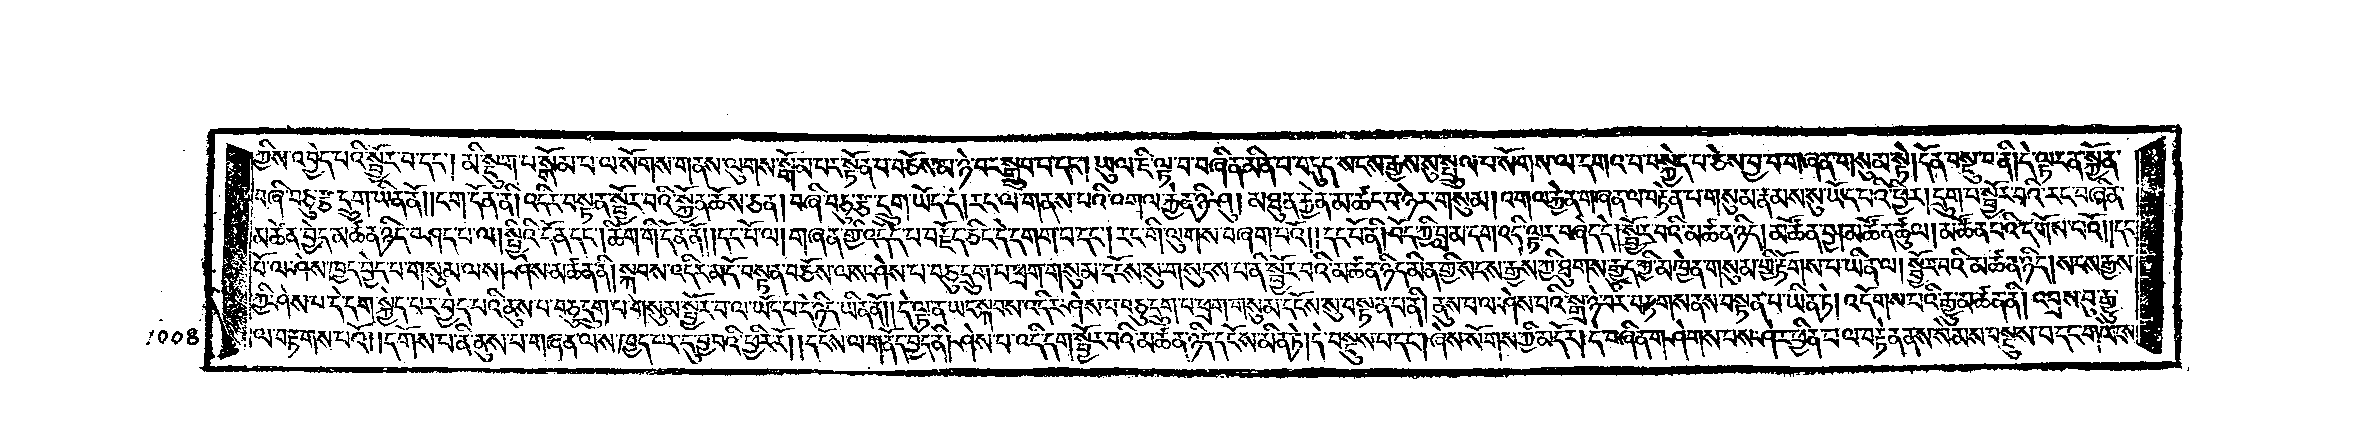ཀྱིས་འབྱེད་པའི་སྦྱོར་བ་དང་། མི་སྡུག་པ་སྒོམ་པ་ལ་སོགས་གནས་ལུགས་སྒོམ་པར་སྟོན་པ་བཅོས་མ་ཉེ་བར་སྒྲུབ་པ་དང་། ཡུལ་ཇི་ལྟ་བ་བཞིན་མིན་པ་བདུད་སངས་རྒྱས་སུ་སྤྲུལ་པ་སོགས་ལ་དགའ་བ་བསྐྱེད་པ་ཅེས་བྱ་བ་གཞན་གསུམ་སྟེ། དོན་བསྡུ་བ་ནི། དེ་ལྟར་ན་སྐྱོན་
བཞི་བཅུ་རྩ་དྲུག་ཡིན་ནོ། །ངག་དོན་ནི། འདིར་བསྟན་སྦྱོར་བའི་སྐྱོན་ཆོས་ཅན། བཞི་བཅུ་རྩ་དྲུག་ཡོད་དེ། རང་ལ་གནས་པའི་འགལ་རྐྱེན་ཉི་ཤུ། མཐུན་རྐྱེན་མ་ཚང་བ་ཉེར་གསུམ། འགལ་རྐྱེན་གཞན་ལ་བརྟེན་པ་གསུམ་རྣམས་སུ་ཡོད་པའི་ཕྱིར། དྲུག་པ་སྦྱོར་བའི་རང་བཞི་
མཚོན་བྱེད་མཚན་ཉིད་བཤད་པ་ལ། སྤྱིའི་དོན་དང་། ཚིག་གི་དོན་ནོ། །དང་པོ་ལ། གཞན་གྱི་འདོད་པ་བརྗོད་ཅིང་དེ་དགག་པ་དང་། རང་གི་ལུགས་བཞག་པའོ། །དང་པོ་ནི། བོད་ཀྱི་བླ་མ་དག་འདི་ལྟར་བཞེད་དེ། སྦྱོར་བའི་མཚན་ཉིད། མཚོན་བྱ། མཚོན་ཚུལ། མཚོན་པའི་དགོས་པའོ། །དང་
པོ་ལ་ཤེས་ཁྱད་བྱེད་པ་གསུམ་ལས། ཤེས་མཚན་ནི། སྐབས་འདིར་མདོ་བསྟན་བཅོས་ལས་ཤེས་པ་བཅུ་དྲུག་པ་ཕྲག་གསུམ་དངོས་སུ་གསུངས་པ་ནི་སྦྱོར་བའི་མཚན་ཉིད་མིན་གྱི་སངས་རྒྱས་ཀྱི་ཐུགས་རྒྱུད་ཀྱི་མཁྱེན་གསུམ་གྱི་རྟོགས་པ་ཡིན་ལ། སྦྱོར་བའི་མཚན་ཉིད། སྦྱོར་བའི་མཚན་ཉིད། སངས་རྒྱས་
ཀྱི་ཤེས་པ་དེ་དག་སྐྱེད་པར་བྱེད་པའི་ནུས་པ་བཅུ་དྲུག་པ་གསུམ་སྦྱོར་བ་ལ་ཡོད་པ་དེ་ཉིད་ཡིན་ནོ། །དེ་ལྟ་ན་ཡང་སྐབས་འདིར་ཤེས་པ་བཅུ་དྲུག་པ་ཕྲག་གསུམ་དངོས་སུ་བསྟན་པ་ནི། ནུས་པ་ལ་ཤེས་པའི་སྒྲ་ཉེ་བར་བརྟགས་ནས་བསྟན་པ་ཡིན་ཏེ། འདོགས་པའི་རྒྱུ་མཚན་ནི། འབྲས་བུ་རྒྱུ་
ལ་བརྟགས་པའོ། །དོགས་པ་ནི་ནུས་པ་གཞན་ལས་ཁྱད་པར་དུ་བྱ་བའི་ཕྱིར་རོ། །དངོས་ལ་གནོད་བྱེད་ནི། ཤེས་པ་འདི་དག་སྦྱོར་བའི་མཚན་ཉིད་དངོས་མིན་ཏེ། དེ་བསྡུས་པ་དང་། ཞེས་སོགས་ཀྱི་མདོར། དེ་བཞིན་གཤེགས་པས་ཤེར་ཕྱིན་པ་ལ་བརྟེན་ནས་སེམས་བསྡུས་པ་དང་གཡེངས་